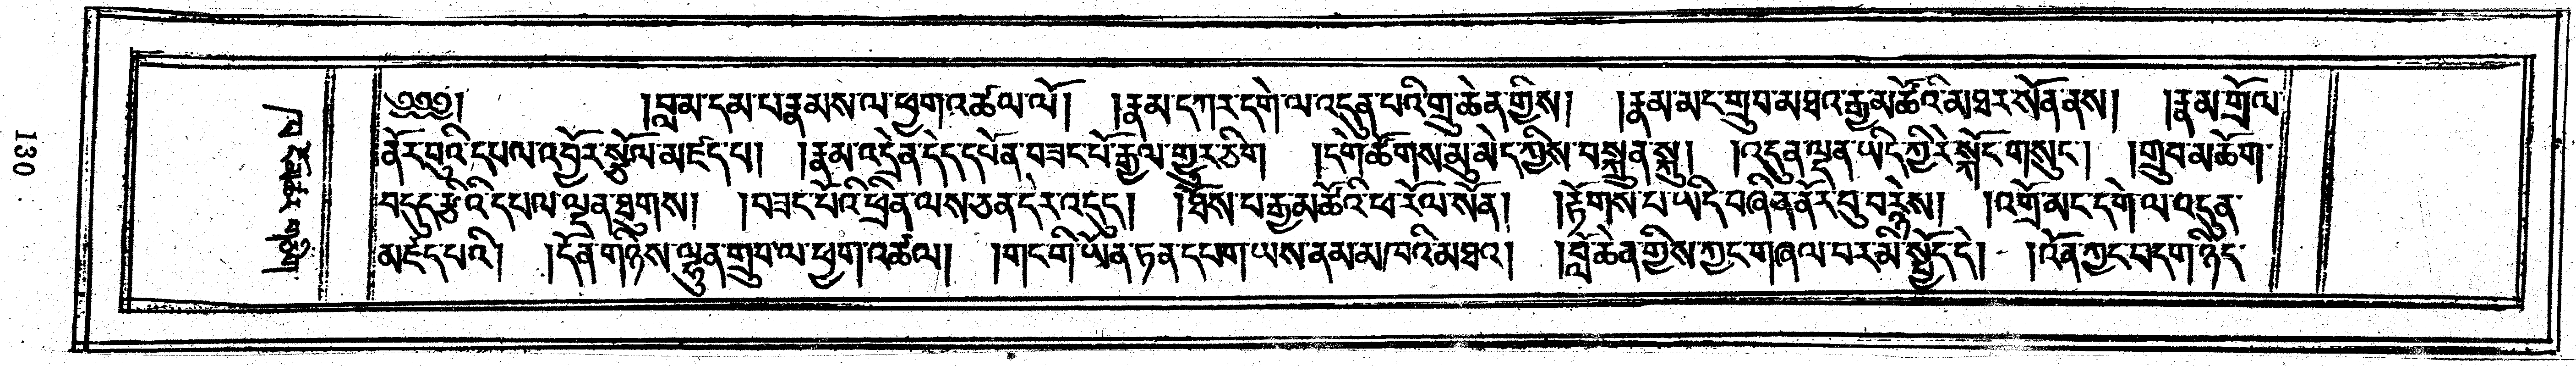༄༅༅། །བླ་མ་དམ་པ་རྣམས་ལ་ཕྱག་འཚལ་ལོ། །རྣམ་དཀར་དགེ་ལ་འདུན་པའི་གྲུ་ཆེན་གྱིས། །རྣམ་མང་གྲུབ་མཐའ་རྒྱ་མཚོའི་མཐར་སོན་ནས། །རྣམ་གྲོལ་
ནོར་བུའི་དཔལ་འབྱོར་སྩོལ་མཛད་པ། །རྣམ་འདྲེན་དེད་དཔོན་བཟང་པོ་རྒྱལ་གྱུར་ཅིག །དགེ་ཚོགས་མུ་མེད་ཀྱིས་བསྐྲུན་སྐུ། །འདུན་ལྡན་ཡིད་ཀྱི་རེ་སྐོང་གསུང་། །གྲུབ་མཆོག་
བདུད་རྩིའི་དཔལ་ལྡན་ཐུགས། །བཟང་པོའི་ཕྲིན་ལས་ཅན་དེར་འདུད། །ཐོས་པ་རྒྱ་མཚོའི་ཕ་རོལ་སོན། །རྟོགས་པ་ཡིད་བཞིན་ནོར་བུ་བརྙེས། །འགྲོ་མང་དགེ་ལ་འདུན་
མཛད་པའི། །དོན་གཉིས་ལྷུན་གྲུབ་ལ་ཕྱག་འཚལ། །གང་གི་ཡོན་ཏན་དཔག་ཡས་ནམ་མཁའི་མཐའ། །བློ་ཆེན་གྱིས་ཀྱང་གཞལ་བར་མི་སྤྱོད་དེ། །འོན་ཀྱང་བདག་ཉིད་